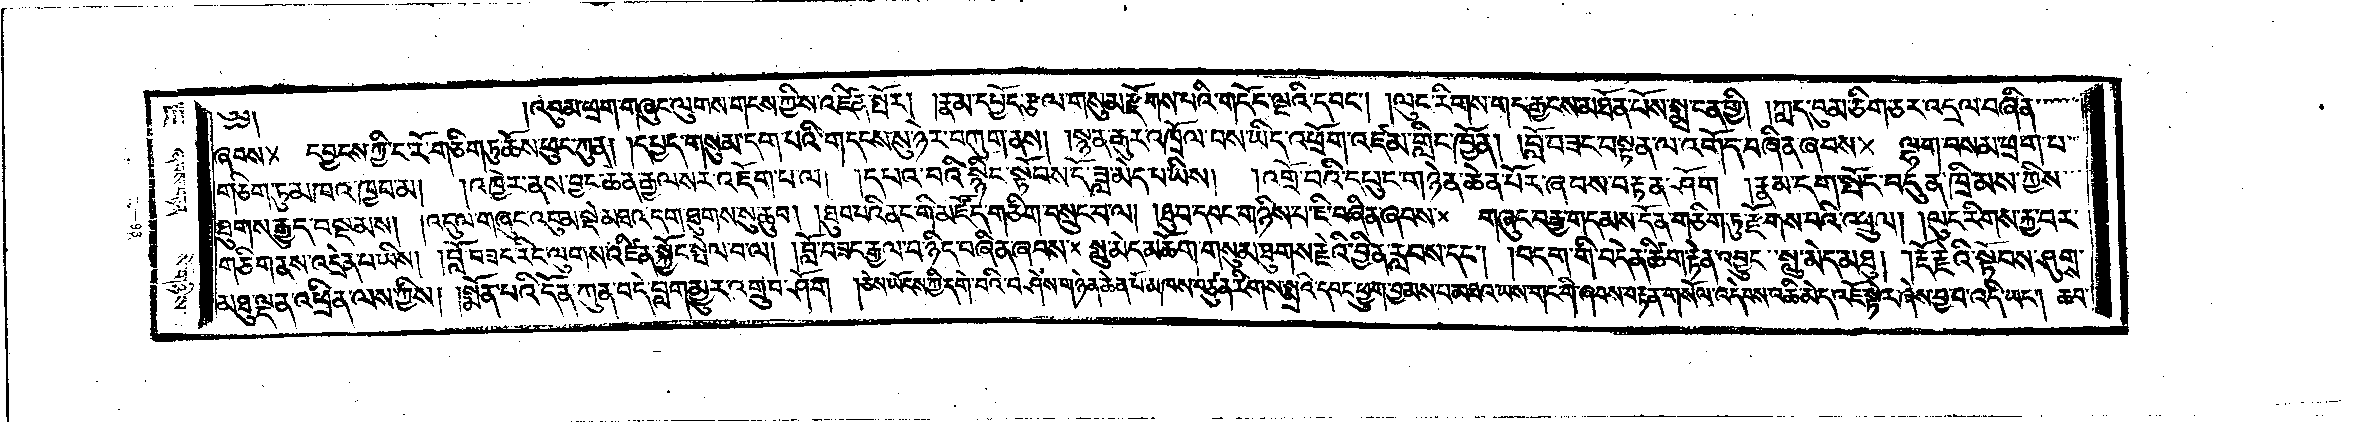༄༅། །འབུམ་ཕྲག་གཞུང་ལུགས་གངས་ཀྱི་ས་འཛིན་སྤོར། །རྣམ་དཔྱོད་རྩལ་གསུམ་རྫོགས་པའི་གདོང་ལྔའི་དབང་། །ལུང་རིགས་གང་རྒྱངས་མཐོན་པོས་སྨྲ་ངན་གྱི། །ཀླད་བུམ་ཅིག་ཅར་འདྲལ་བཞིན་
ཞབས་྾་དབྱངས་ཀྱི་ང་རོ་གཅིག་ཏུ་ཆོས་ཕུང་ཀུན། །དཔྱད་གསུམ་དག་པའི་གདངས་སུ་ཉེར་བཀུག་ནས། །སྙན་རྒུར་འཁྲོལ་བས་ཡིད་འཕྲོག་འཛམ་གླིང་ཁྱོན། །བློ་བཟང་བསྟན་ལ་འགོད་བཞིན་ཞབས་྾་ལྷག་བསམ་ཕྲག་པ་
གཅིག་ཏུ་མཁའ་ཁྱབ་མ། །འཁྱེར་ནས་བྱང་ཆེན་རྒྱལ་སར་འཇོག་པ་ལ། །དཔའ་བའི་སྙིང་སྟོབས་དོ་ཟླ་མེད་པ་ཡིས། །འགྲོ་བའི་དཔུང་གཉེན་ཆེན་པོར་ཞབས་བརྟན་ཤོག །རྣམ་དག་སྤོང་བདུན་ཁྲིམས་ཀྱིས་
ཐུགས་རྒྱུད་བསྔམས། །འདུལ་གཞུང་འབུམ་སྡེ་མཐའ་དག་ཐུགས་སུ་ཆུབ། །ཐུབ་པའི་ནང་གི་མཛོད་གཅིག་བསྲུང་པ་ལ། །ཐུབ་དབང་གཉིས་པ་ཇི་བཞིན་ཞབས་྾་གཞུང་བརྒྱ་གདམས་དོན་གཅིག་ཏུ་རྫོགས་པའི་འཕྲུལ། །ལུང་རིགས་རྐྱ་བར་
གཅིག་ནས་འདྲེན་པ་ཡིས། །བློ་བཟང་རིང་ལུགས་འཛིན་སྐྱོང་སྤེལ་བ་ལ། །བློ་བཟང་རྒྱལ་བ་ཉིད་བཞིན་ཞབས་྾་སླུ་མེད་མཆོག་གསུམ་ཐུགས་རྗེའི་བྱིན་རླབས་དང་། །བདག་གི་བདེན་ཚིག་རྟེན་འབྱུང་བསླུ་མེད་མཐུ། །རྡོ་རྗེའི་སྟོབས་ཤུགས་
མཐུ་ལྡན་འཕྲིན་ལས་ཀྱིས། །སྨོན་པའི་དོན་ཀུན་བདེ་བླག་མྱུར་འགྲུབ་ཤོག །ཅེས་ཡོངས་ཀྱི་དགེ་བའི་བཤེས་གཉེན་ཆེན་པོ་མཁས་བཙུན་རིགས་སྨྲའི་དབང་ཕྱུག་བྱམས་པ་མཐའ་ཡས་གང་གི་ཞབས་བརྟན་གསོལ་འདེབས་འཆི་མེད་འཇོ་སྟེར་ཞེས་བྱ་བ་འདི་ཡང་། ཆབ་